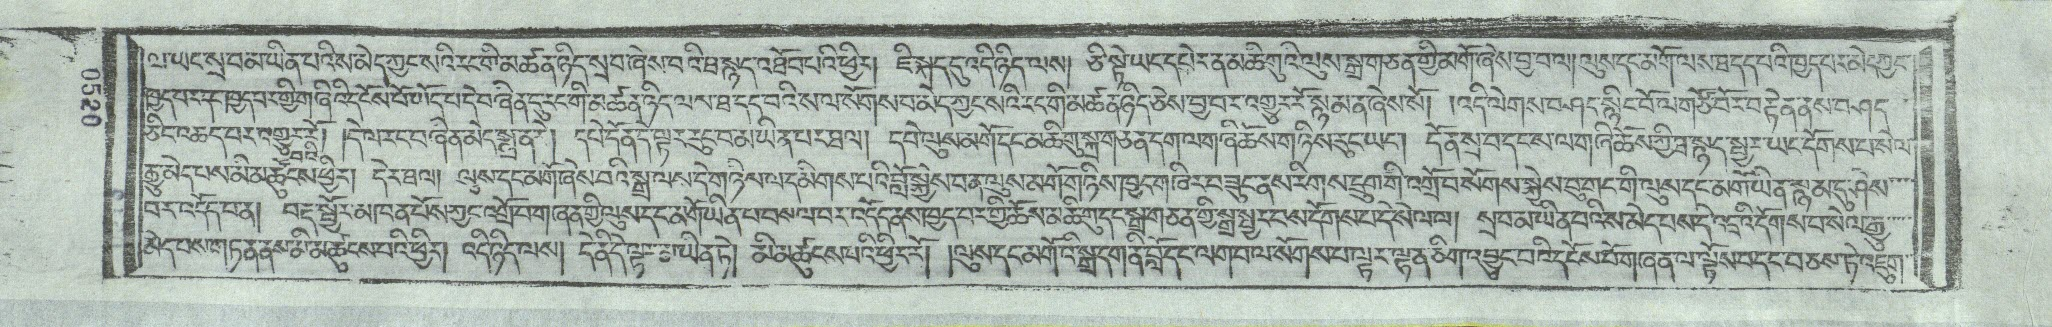ལ་ཡང་སྲ་བ་མ་ཡིན་པའི་ས་མེད་ཀྱང་སའི་རང་གི་མཚན་ཉིད་སྲ་བ་ཞེས་པའི་ཐ་སྙད་འཐོབ་པའི་ཕྱིར། ཇི་སྐད་དུ་འདི་ཉིད་ལས། ཅི་སྟེ་ཡང་དཔེར་ན་མཆི་གུའི་ལུས་སྒྲ་གཅན་གྱི་མགོ་ཞེས་བྱ་བ་ལ། ལུས་དང་མགོ་ལས་ཐ་དད་པའི་ཁྱད་པར་མེད་ཀྱང་
ཁྱད་པར་དང་ཁྱད་པར་གྱི་གཞིའི་དངོས་པོ་ཡོད་པ་དེ་བཞིན་དུ་རང་གི་མཚན་ཉིད་ལས་ཐ་དད་བའི་ས་ལ་སོགས་པ་མེད་ཀྱང་སའི་རང་གི་མཚན་ཉིད་ཅེས་བྱ་བར་འགྱུར་རོ་སྙམ་ན་ཞེས་སོ། །འདི་ལེགས་བཤད་སྙིང་པོ་ལ་གཙོ་བོར་བརྟེན་ནས་བཤད་
ཅིང་འཆད་པར་འགྱུར་རོ། །དེ་ལ་རང་བཞིན་མེད་སྨྲ་ན་རེ། དཔེ་དོན་དེ་ལྟར་རུང་བ་མ་ཡིན་པར་ཐལ། དཔེ་ལུས་མགོ་དང་མཆི་གུ་སྒྲ་ཅན་དག་ལ་གཞི་ཆོས་གཉིས་རུང་ཡང་། དོན་སྲ་བ་དང་ས་ལ་གཞི་ཆོས་ཀྱི་ཐ་སྙད་སྦྱར་ཡང་དོགས་པ་སེལ་
རྒྱུ་མེད་པས་མི་མཚུངས་ཕྱིར། དེར་ཐལ། ལུས་དང་མགོ་ཞེས་པའི་སྒྲ་ལས་དེ་གཉིས་ལ་དམིགས་པའི་བློ་སྐྱེས་བ་ན་ལུས་མགོ་གཉིས་ཁྱད་གཞིར་བཟུང་ནས་རིགས་དྲུག་གི་འགྲོ་བ་སོགས་སྐྱེས་བུ་གང་གི་ལུས་དང་མགོ་ཡིན་སྙམ་དུ་ཤེས་
པར་འདོད་པ་ན། བརྡ་སྦྱོར་མཁན་པོས་ཀྱང་འགྲོ་བ་གཞན་གྱི་ལུས་དང་མགོ་ཡིན་པ་བསལ་བར་འདོད་ནས་ཁྱད་པར་གྱི་ཆོས་མཆི་གུ་དང་སྒྲ་གཅན་གྱི་སྒྲ་སྦྱར་བས་དོགས་པ་དེ་སེལ་ལ། སྲ་བ་མ་ཡིན་པའི་ས་མེད་པས་དེ་འདྲའི་དོགས་པ་སེལ་རྒྱུ་
མེད་པས་གཏན་ནས་མི་མཚུངས་པའི་ཕྱིར། འདི་ཉིད་ལས། དེ་ནི་དེ་ལྟར་མ་ཡིན་ཏེ། མི་མཚུངས་པའི་ཕྱིར་རོ། །ལུས་དང་མགོ་འི་སྒྲ་དག་ནི་བློ་དང་ལག་པ་ལ་སོགས་པ་ལྟར་ལྷན་ཅིག་འབྱུང་བའི་དངོས་པོ་གཞན་ལ་ལྟོས་པ་དང་བཅས་ཏེ་འཇུག་